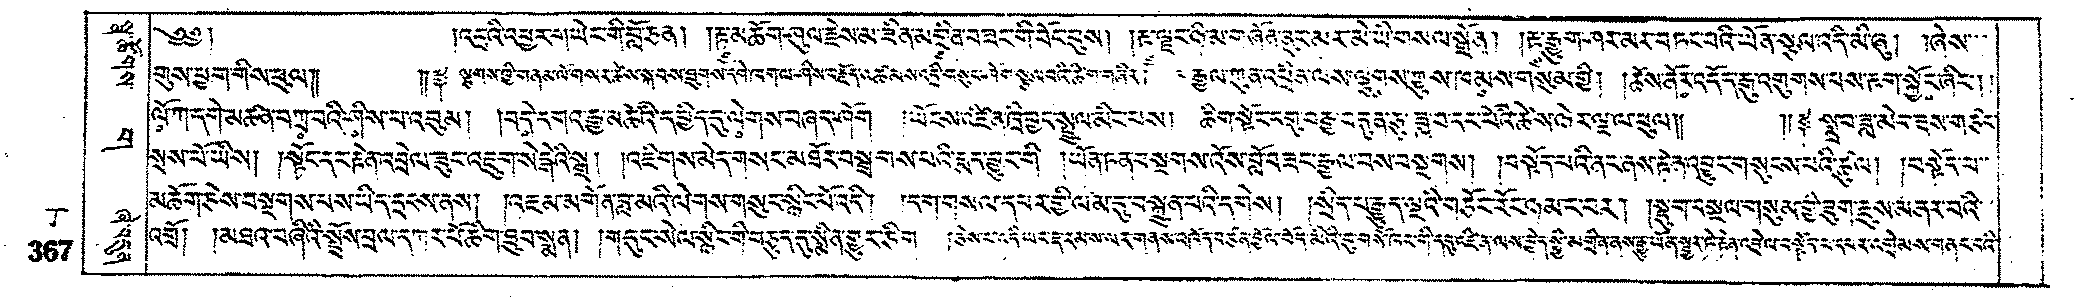༄༅། །འདྲའི་འཕྱར་གཡེང་གི་བློ་ཅན། །རྟཾ་མཆོག་ཤུལ་རྗེས་མ་ཟིན་མགྲིནཾ་བཟང་གི་བོང་བུས། །རྟཾ་ལྗང་ཉི་མ་གཞོན་ནུར་མར་མེ་ཡི་གསལ་སྒྲོན། །རྟཾ་རྒྱུག་ཤར་མར་བཏང་བའི་ཡོན་སྩལ་འདི་མི་ཞུ། །ཞེས་་་
གུས་ཕྱག་གིས་ཕུལ།། །། འལྕགས་ཁྱི་གནམ་ལོ་གསར་ཚེས་སྐབས་ཐུགས་དགེ་ཁག་ལ་ཤིས་བརྗོད་འཚམས་འདིར་གསུང་ཤོག་སྩལ་བའི་ཚིག་གཞིར།  ༧་རྒྱལ་ཀུན་འཕྲིན་ལས་ལྕགས྾་ཀྱུས་ཁམས྾་གསུམ་གྱི། །ཆོས་ནོར྾་འདོད་རྒུ་འགུགས་པས་རྟ་སྐྱོང྾་ཞིང་། །
ལོ྾་ཀ་དགེ་མཚན་བཀྲ྾་བའི་ཤིས྾་པ་འབུམ། །བདེ྾་དགའ་རྒྱ་མཚོའི་དཔྱིད་དུ་ལེགས྾་བཞད་ཤོག །ཡོངས་འཛིན་ཁྲི་བྱང་སྤྲུལ་མིང་པས། ཆིག་སྟོང་དགུ་བརྒྱ་བདུན་ཅུ་ཟླ་བ་དང་པོའི་ཚེས་ཉེར་ལྔ་ལ་ཕུལ།། །། འ་སྨྲ་བ་ཟླ་མེད་ཟས་གཙང་
སྲས་པོ་ཡིས། །སྟོང་དང་རྟེན་འབྲེལ་ཟུང་འཇུག་སེངྒེའི་སྒྲ། །འཇིགས་མེད་གསང་མཐོར་བསྒྲགས་པའི་རྨད་བྱུང་གི །ཡོན་ཏན་བསངས་འོས་བློ་བཟང་རྒྱལ་བས་བསྔགས། །བསྟོད་པའི་ནང་ནས་རྟེན་འབྱུང་གསུངས་པའི་ཚུལ། །བསྟོད་པ་་་
མཆོག་ཅེས་བསྔགས་པས་ཡིད་དྲངས་ནས། །འཇམ་མགོན་བླ་མའི་ལེགས་གསུང་སྙིང་པོ་འདི། །དག་གསལ་དཔར་གྱི་ལམ་དུ་བསྐྲུན་པའི་དགེས། །སྲིད་པ་རྒྱུད་ལྔའི་གཅོང་རོང་ཉམ་ང་བར། །སྡུག་བསྔལ་གསུམ་གྱི་ཟུག་རྔུས་མནར་བའི་
འགྲོ། །མཐའ་བཞིའི་སྤྲོས་བྲལ་དཀར་པོ་ཆིག་ཐུབ་སྨན། །གདུང་སེལ་སྙིང་གི་བཅུད་དུ་སྨིན་གྱུར་ཅིག་།ཅེས་པ་འདི་ཡང་རྡ་རམ་ས་ལར་གནས་འཁོད་བཙན་བྱོལ་བོད་མིའི་བུ་གསོ་ཁང་གི་དབུ་འཛིན་ལས་བྱེད་སྤྱི་མགྲོན་ནས་རྒྱུ་ཡོན་སྦྱར་ཏེ་རྟེན་འབྲེལ་བསྟོད་པ་དཔར་འགྲེམས་གསང་བའི